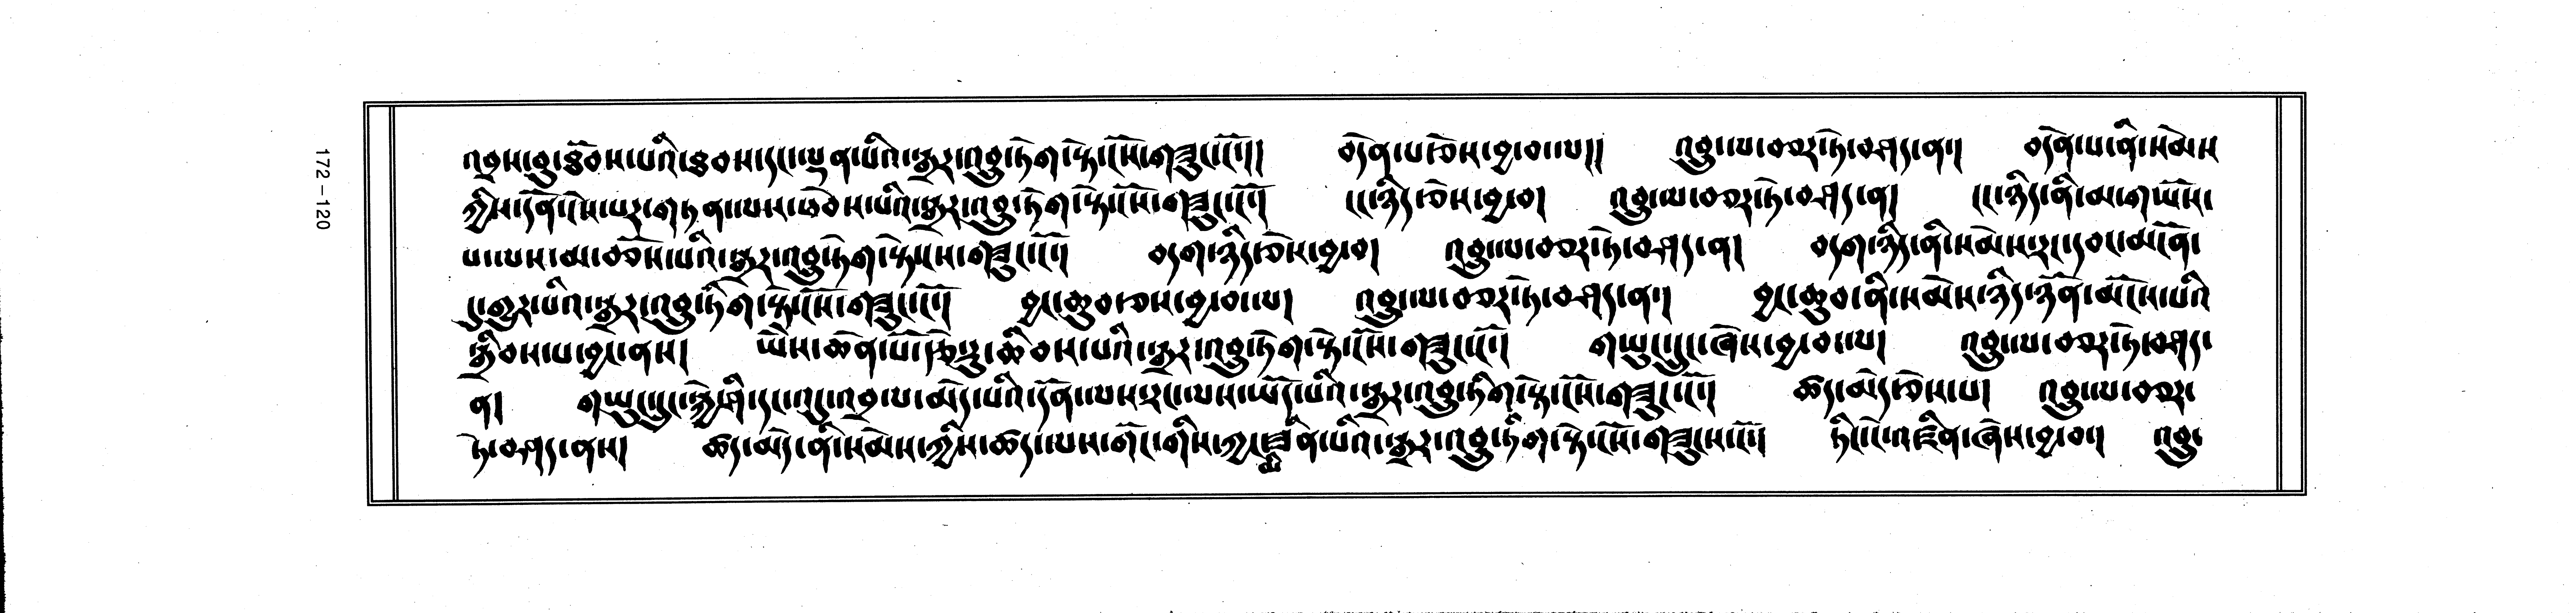འབྲས་བུ་ཐོབས་པའི་ཐབས་དང་ལྡན་པའི་སྒྲར་འབྲུ་ཏིག་སྟེ་ངོས་གཟུངས་ངོ་། བདེན་པ་ཅེས་བྱ་བ་ལ། འབྲུ་ལ་བཅར་ཏེ་བཤད་ན། བདེན་པ་ནི་སེམས་
ཀྱིས་དོན་ངེས་པར་གཏན་ལས་ཕེབས་པའི་སྒྲར་འབྲུ་ཏིག་སྟེ་ངོས་གཟུངས་ངོ་། ངང་ཉིད་ཅེས་བྱ་བ། འབྲུ་ལ་བཅར་བཤད་ན། ངང་ཉིད་ནི་མ་གཡོས་
པ་ལས་མ་བཅོས་པའི་སྒྲར་འབྲུ་ཏིག་སྟེ་ངོས་གཟུངས་ངོ་། བདག་ཉིད་ཅེས་བྱ་བ། འབྲུ་ལ་བཅར་ཏེ་བཤད་ན། བདག་ཉིད་ནི་སེམས་རང་དབང་མངོན་
དུ་གྱུར་པའི་སྒྲར་འབྲུ་ཏིག་སྟེ་ངོས་གཟུངས་ངོ་། བྱང་ཆུབ་ཅེས་བྱ་བ་ལ། འབྲུ་ལ་བཅར་ཏེ་བཤད་ན། བྱང་ཆུབ་ནི་སེམས་ཉིད་ཉོན་མོངས་པའི་
སྒྲིབས་པ་བྱང་ནས། ཡེ་ཤེས་ཆེན་པོ་རྩེ་རུ་ཆིབས་པའི་སྒྲར་འབྲུ་ཏིག་སྟེ་ངོས་གཟུངས་ངོ་། གཡུང་དྲུང་ཞེས་བྱ་བ་ལ། འབྲུ་ལ་བཅར་ཏེ་བཤད་
ན། གཡུང་དྲུང་སྐྱེ་ཤི་དང་འདུ་འབྲལ་མེད་པའི་དོན་ལ་རང་ལས་ཡོད་པའི་སྒྲར་འབྲུ་ཏིག་སྟེ་ངོས་གཟུངས་ངོ་། ཚད་མེད་ཅེས་པ། འབྲུ་ལ་བཅར་
ཏེ་བཤད་ནས། ཚད་མེད་ནི་སེམས་ཀྱིས་ཚད་ལས་གོང་གིས་ཀྱང་མི་ཟིན་པའི་སྒྲར་འབྲུ་ཏིག་སྟེ་ངོས་གཟུངས་ངོ་། ཏིང་ངེ་འཛིན་ཞེས་བྱ་བ། འབྲུ་